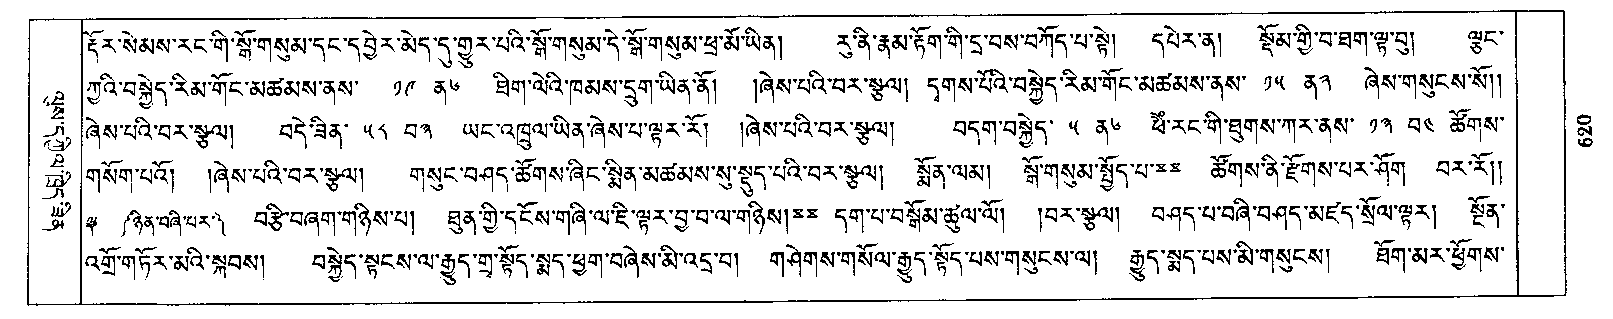རྡོར་སེམས་རང་གི་སྒོ་གསུམ་དང་དབྱེར་མེད་དུ་གྱུར་པའི་སྒོ་གསུམ་དེ་སྒོ་གསུམ་ཕྲ་མོ་ཡིན། རུ་ནི་རྣམ་རྟོག་གི་དྲ་བས་བཀོད་པ་སྟེ། དཔེར་ན། སྡོམ་གྱི་བ་ཐག་ལྟ་བུ། ལྕང་
ཀྱའི་བསྐྱེད་རིམ་གོང་མཚམས་ནས ༡༩་ན ༦་ཐིག་ལེའི་ཁམས་དྲུག་ཡིན་ནོ། །ཞེས་པའི་བར་སྩལ། དྭགས་པོའི་བསྐྱེད་རིམ་གོང་མཚམས་ནས ༡༥་ན ༢་ཞེས་གསུངས་སོ།།
ཞེས་པའི་བར་སྩལ། བདེ་ཟིན ༥༨་བ ༣་ཡང་འཁྲུལ་ཡིན་ཞེས་པ་ལྟར་རོ། །ཞེས་པའི་བར་སྩལ། བདག་བསྐྱེད ༥་ན ༦་ཕཻཾ་རང་གི་ཐུགས་ཀར་ནས ༡༣་བ ༤་ཚོགས་
གསོག་པའོ། །ཞེས་པའི་བར་སྩལ། གསུང་བཤད་ཚོགས་ཞིང་སྨིན་མཚམས་སུ་སྡུད་པའི་བར་སྩལ། སྨོན་ལམ། སྒོ་གསུམ་སྤྱོད་པ་྾་྾་ཚོགས་ནི་རྫོགས་པར་ཤོག་བར་རོ།།
༈ ཉིན་བཞི་པར྄་བརྩི་བཞག་གཉིས་པ། ཐུན་གྱི་དངོས་གཞི་ལ་ཇི་ལྟར་བྱ་བ་ལ་གཉིས། ྾་྾་དག་པ་བསྒོམ་ཚུལ་ལོ། །བར་སྩལ། བཤད་པ་བཞི་བཤད་མཛད་སྲོལ་ལྟར། སྔོན་
འགྲོ་གཏོར་མའི་སྐབས། བསྐྱེད་སྟངས་ལ་རྒྱུད་གྲྭ་སྟོད་སྨད་ཕྱག་བཞེས་མི་འདྲ་བ། གཤེགས་གསོལ་རྒྱུད་སྟོད་པས་གསུངས་ལ། རྒྱུད་སྨད་པས་མི་གསུངས། ཐོག་མར་ཕྱོགས་